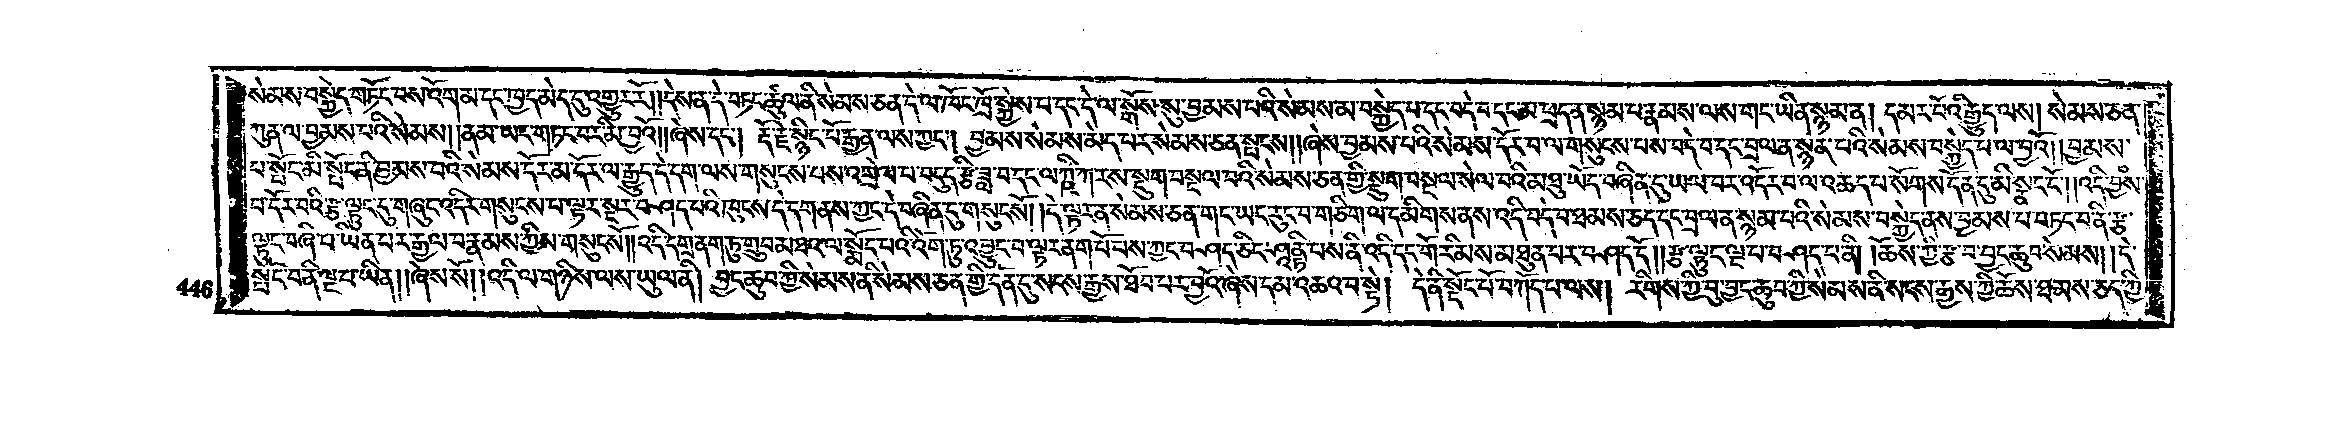སེམས་བསྐྱེད་གཏོང་བས་འོག་མ་དང་ཁྱད་མེད་དུ་འགྱུར་རོ། །དེས་ན་དེ་བཏང་ཚུལ་ནི་སེམས་ཅན་དེ་ལ་ཁོང་ཁྲོ་སྐྱེས་པ་དང་དེ་ལ་སྒོས་སུ་བྱམས་པའི་སེམས་མ་བསྐྱེད་པ་དང་བདེ་བ་དང་མ་ཕྲད་ན་སྙམ་པ་རྣམས་ལས་གང་ཡིན་སྙམ་ན། དམར་པོའི་རྒྱུད་ལས། སེམས་ཅན་
ཀུན་ལ་བྱམས་པའི་སེམས། །ནམ་ཡང་གཏང་བར་མི་བྱའོ། །ཞེས་དང་། རྡོ་རྗེ་སྙིང་པོ་རྒྱན་ལས་ཀྱང་། བྱམས་སེམས་མེད་པར་སེམས་ཅན་སྤངས། །ཞེས་བྱམས་པའི་སེམས་དོར་བ་ལ་གསུངས་པས་བདེ་བ་དང་བྲལ་ན་སྙན་པའི་སེམས་བསྐྱེད་པ་ལ་བྱའོ། །བྱམས་
པ་སྤོང་མི་སྤོང་ནི་བྱམས་པའི་སེམས་དོར་མ་དོར་ལ་རྒྱུད་དེ་དག་ལས་གསུངས་པས་འགྲེལ་པ་བདུད་རྩི་ཟླ་བ་དང་ལཀྵི་ཀ་རས་སྡུག་བསྔལ་སེལ་བའི་སེམས་ཅན་གྱི་སྡུག་བསྔལ་སེལ་བའི་མཐུ་ཡོད་བཞིན་དུ་ཡལ་བར་འདོར་བ་ལ་འཆད་པ་སོགས་དོན་དུ་མི་སྣང་ངོ། །འདི་བྱམས་
པ་དོར་བའི་རྩ་ལྟུང་དུ་གཞུང་འདིར་གསུངས་པ་ལྟར་སྔར་བཤད་པའི་ཁུངས་དེ་དག་ནས་ཀྱང་དེ་བཞིན་དུ་གསུངས་སོ། །དེ་ལྟར་ན་སེམས་ཅན་གང་ཡང་རུང་བ་གཅིག་ལ་དམིགས་ནས་འདི་བདེ་བ་ཐམས་ཅད་དང་བྲལ་ན་སྙམ་པའི་སེམས་བསྐྱེད་ནས་བྱམས་པ་བཏང་བ་ནི་རྩ་
ལྟུང་བཞི་པ་ཡིན་པར་རྒྱལ་བ་རྣམས་ཀྱིས་གསུངས་སོ། །འདི་དགྲ་ནག་ཏུ་གྲུབ་མཐའ་ལ་སྨོད་པའི་འོག་ཏུ་འབྱུང་བ་ལྟར་ནག་པོ་པས་ཀྱང་བཤད་ཅིང་ཤཱནྟི་པས་ནི་འདི་དང་གོ་རིམས་མཐུན་པར་བཤད་དོ། །རྩ་ལྟུང་ལྔ་པ་བཤད་པ་ནི། །ཆོས་ཀྱི་རྩ་བ་བྱང་ཆུབ་སེམས། །དེ་
སྤོང་བ་ནི་ལྔ་པ་ཡིན། །ཞེས་སོ། །འདི་ལ་གཉིས་ལས་ཡུལ་ནི། བྱང་ཆུབ་ཀྱི་སེམས་ནི་སེམས་ཅན་གྱི་དོན་དུ་སངས་རྒྱས་ཐོབ་པར་བྱའོ་ཞེས་དམ་འཆའ་བ་སྟེ། དེ་ནི་སྡོང་པོ་བཀོད་པ་ལས། རིགས་ཀྱི་བུ་བྱང་ཆུབ་ཀྱི་སེམས་ནི་སངས་རྒྱས་ཀྱི་ཆོས་ཐམས་ཅད་ཀྱི་